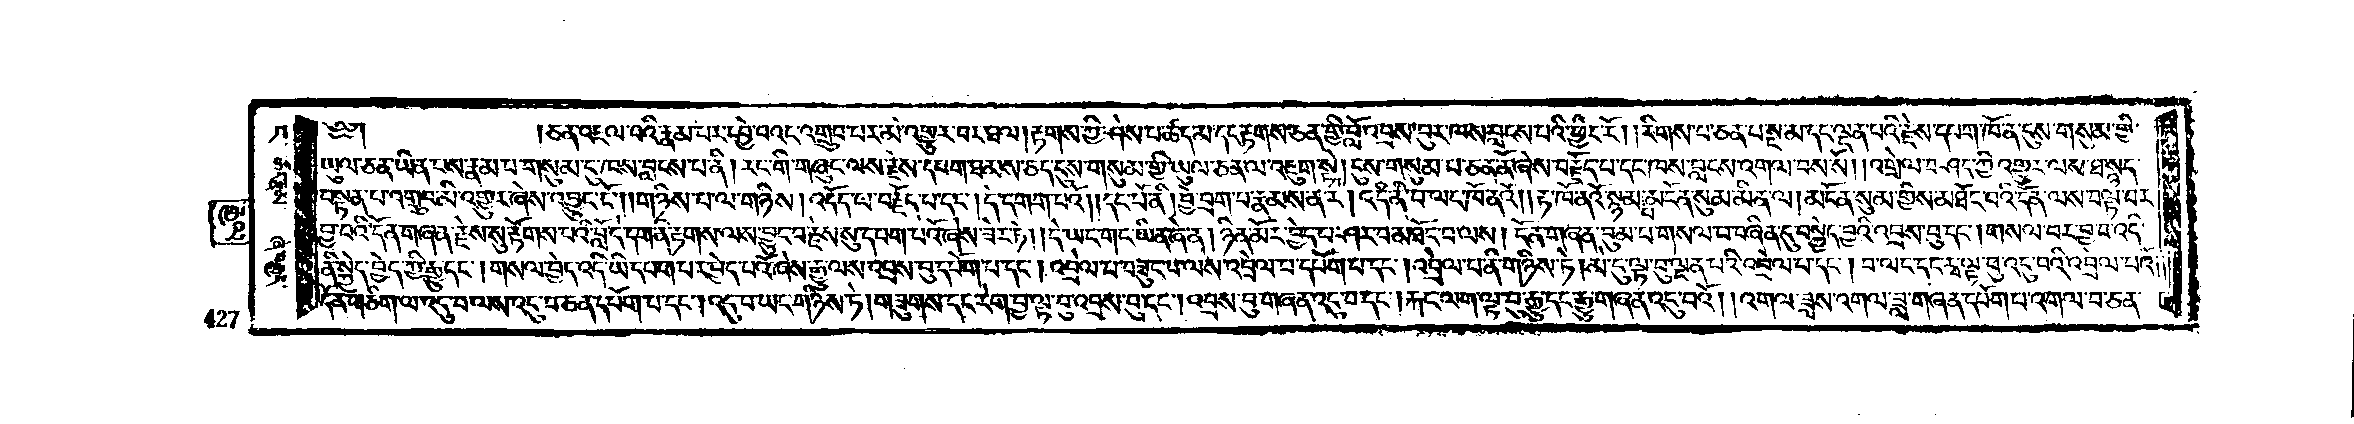༄༅། །ཅན་འཇལ་བའི་རྣམ་པར་དབྱེ་བའང་འགྲུབ་པར་མི་འགྱུར་བར་ཐལ། རྟགས་ཀྱི་ཤེས་པ་ཚད་མ་དང་རྟགས་ཅན་གྱི་བློ་འབྲས་བུར་ཁས་བླངས་པའི་ཕྱིར་རོ། །རིགས་པ་ཅན་པ་སྔ་མ་དང་ལྡན་པའི་རྗེས་དཔག་ཁོ་ན་དུས་གསུམ་གྱི་
ཡུན་ཅན་ཡིན་པས་རམ་པ་གསུམ་དུ་ཁས་བླངས་པ་ནི། རང་གི་གཞུང་ལས་རྗེས་དཔག་ཐམས་ཅད་དུས་གསུམ་གྱི་ཡུལ་ཅན་ལ་འཇུག་སྟེ། དུས་གསུམ་པ་ཅན་ནོ་ཞེས་བརྗོད་པ་དང་ཁས་བསླངས་འགལ་བས་སོ། །འགྲེལ་བཤད་ཀྱི་འགྱུར་ལས་ཐ་སྙད་
བསྟན་པ་འགྲུབ་མི་འགྱུར་ཞེས་འབྱུང་ངོ། །གཉིས་པ་ལ་གཉིས། འདོད་པ་བརྗོད་པ་དང་། དེ་དགག་པའོ། །དང་པོ་ནི། བྱེ་བྲག་པ་རྣམས་ན་རེ། འདི་ནི་བ་ལང་ཁོ་ནའོ། །རྟ་ཁོ་ནའོ་སྙམ་པ་མངོན་སུམ་མིན་ལ། མངོན་སུམ་གྱིས་མཐོང་བའི་དོན་ལས་བལྟ་བར་
བྱ་བའི་དོན་གཞན་རྗེས་སུ་རྟོགས་པའི་བློ་དེ་དག་ནི་རྟགས་ལས་འབྱུང་བ་རྗེས་སུ་དཔག་པའོ་ཞེས་ཟེར་ཏེ། །དེ་ཡང་གང་ཡིན་ཞེ་ན། ཉིན་མོར་བྱེད་བ་ཤར་བ་མཐོང་བ་ལས། དོན་གཞན་བུམ་པ་གསལ་བ་བཞིན་དུ་བསྐྱེད་བྱའི་འབྲས་བུ་དང་། གསལ་བར་བྱ་བ་འདི་
ནི་སྐྱེད་བྱེད་ཀྱི་རྒྱུ་དང་། གསལ་བྱེད་འདི་ཡི་དཔག་པར་བྱེད་པའི་ཞེས་རྒྱུ་ལས་འབྲས་བུ་དཔོག་པ་དང་། འབྲེལ་པ་བཟུང་པ་ལས་འབྲེལ་པ་དཔོག་པ་དང་། འབྲེལ་པ་ནི་གཉིས་ཏེ། མི་དུ་ལྟ་བུ་ལྡན་པའི་འབྲེལ་བ་དང་། བ་ལང་ད་རྭ་ལྟ་བུ་འདུ་བའི་འབྲེལ་པའོ༑ ༑
དོན་གཅིག་ལ་འདུ་བ་ལས་འདུ་བ་ཅན་དཔོག་པ་དང་། འདུ་བ་ཡང་གཉིས་ཏེ། གཟུགས་དང་རེག་བྱ་ལྟ་བུ་འབྲས་བུ་དང་། འབྲས་བུ་གཞན་འདུ་བ་དང་། རྐང་ལག་ལྟ་བུ་རྒྱུ་དང་རྒྱུ་གཞན་བའོ། །གལ་ཟླ་གཞན་དཔོག་པ་འགལ་བ་ཅན་